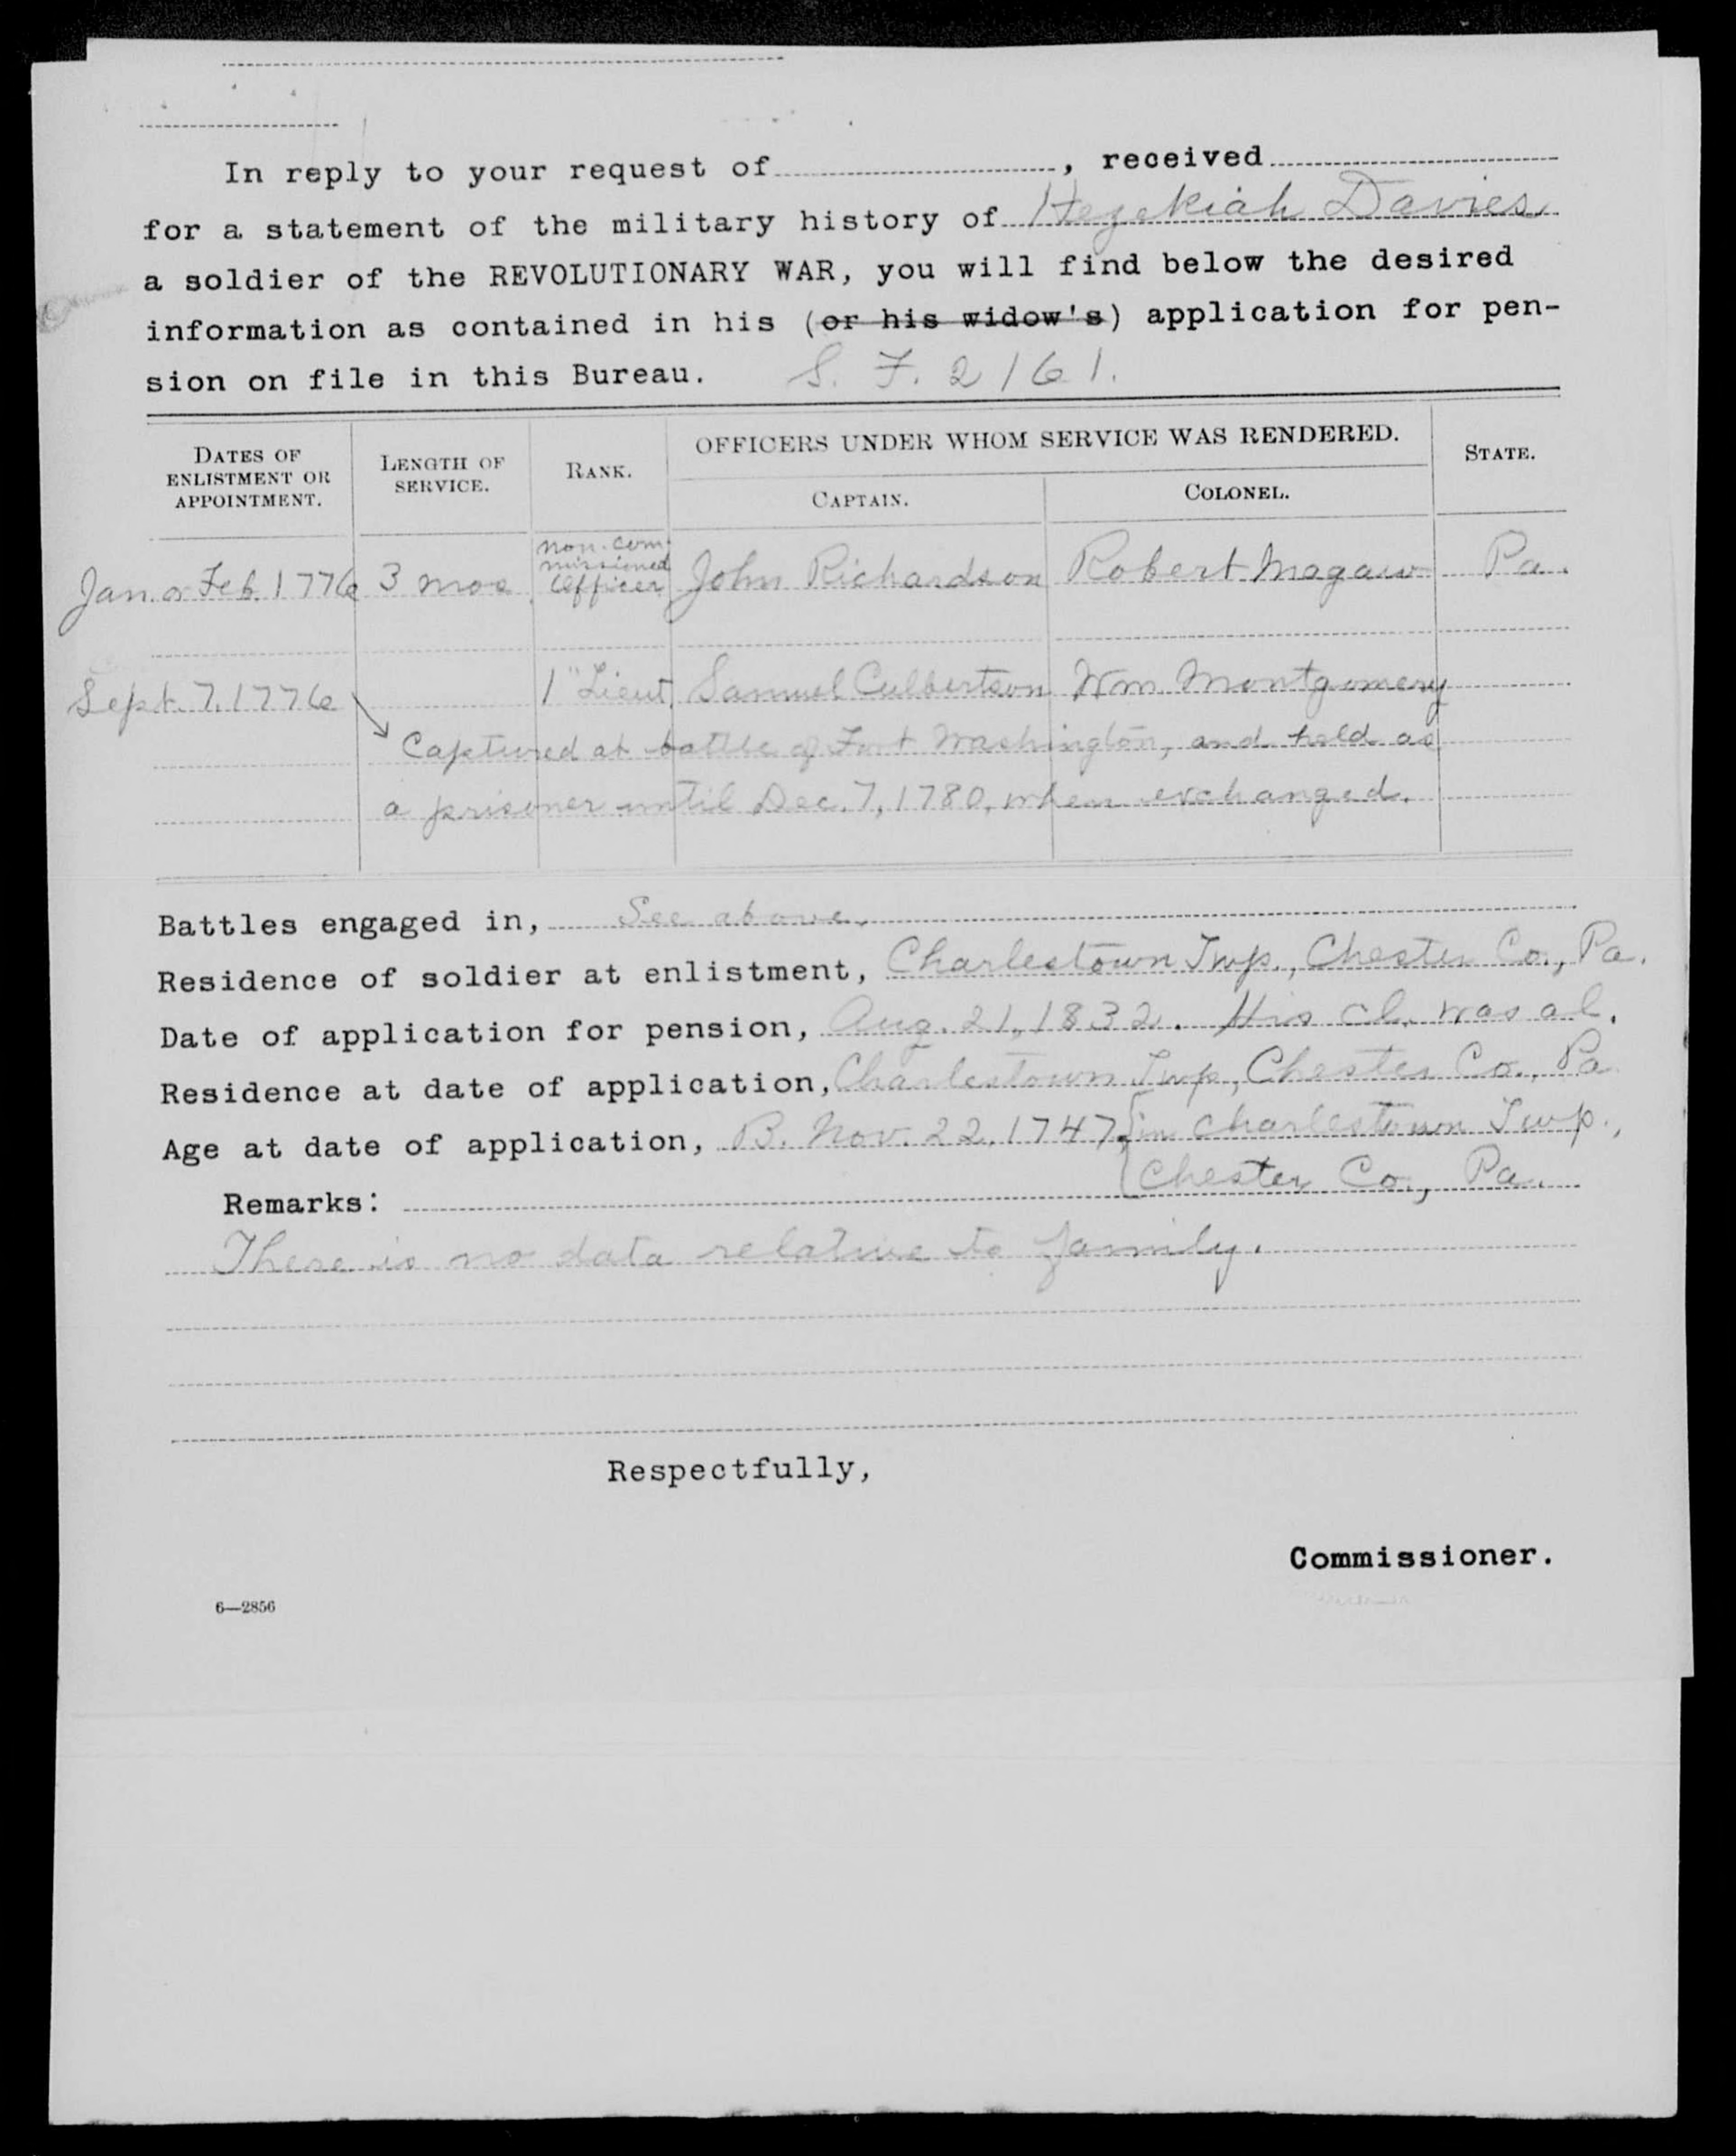In reply to your request of , 
received 
for a statement of the military history of Hezekiah Davies a
soldier of the REVOLUTIONARY WAR, you will find below the desired information as contained in his (or his widow's) application for pension on file in this Bureau. S.F. 2161.

DATES OF ENLISTMENT OF APPOINTMENT. | LENGTH OF SERVICE. | RANK. | OFFICERS UNDER WHOM SERVICE WAS RENDERED. CAPTAIN. | COLONEL. | STATE.
Jan or Feb 1776  |  3 mos  |  non-commissioned officer  |  John Richardson  |  Robert Magaw  |  Pa. 
Sept 7 1776  |  1st Lieut | Samuel Culbertson  |  Wm Montgomery  |  captured at battle of Fort Washington, and held as a prisoner until Dec. 7, 1780, when exchanged. 

Battles engaged in, see above. 
Residence of soldier at enlistment, Charlestown Twp, Chester Co., Pa.
Date of application for pension, Aug. 21, 1832. His cl was al.
Residence at date of application, Charlestown Twp, Chester Co. Pa
Age at date of application, B. Nov 22 1747 in Charleston Twp. Chester Co., Pa.
There is no data relative to family.

Respectfully,
Commissioner.

6 -- 2856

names: John Richardson, Hezekiah Davies, Wm Montgomery, Samuel Culbertson, Robert Magaw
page: 13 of 57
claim: survivor's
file: S. 2161, Hezekiah Davies, Penn